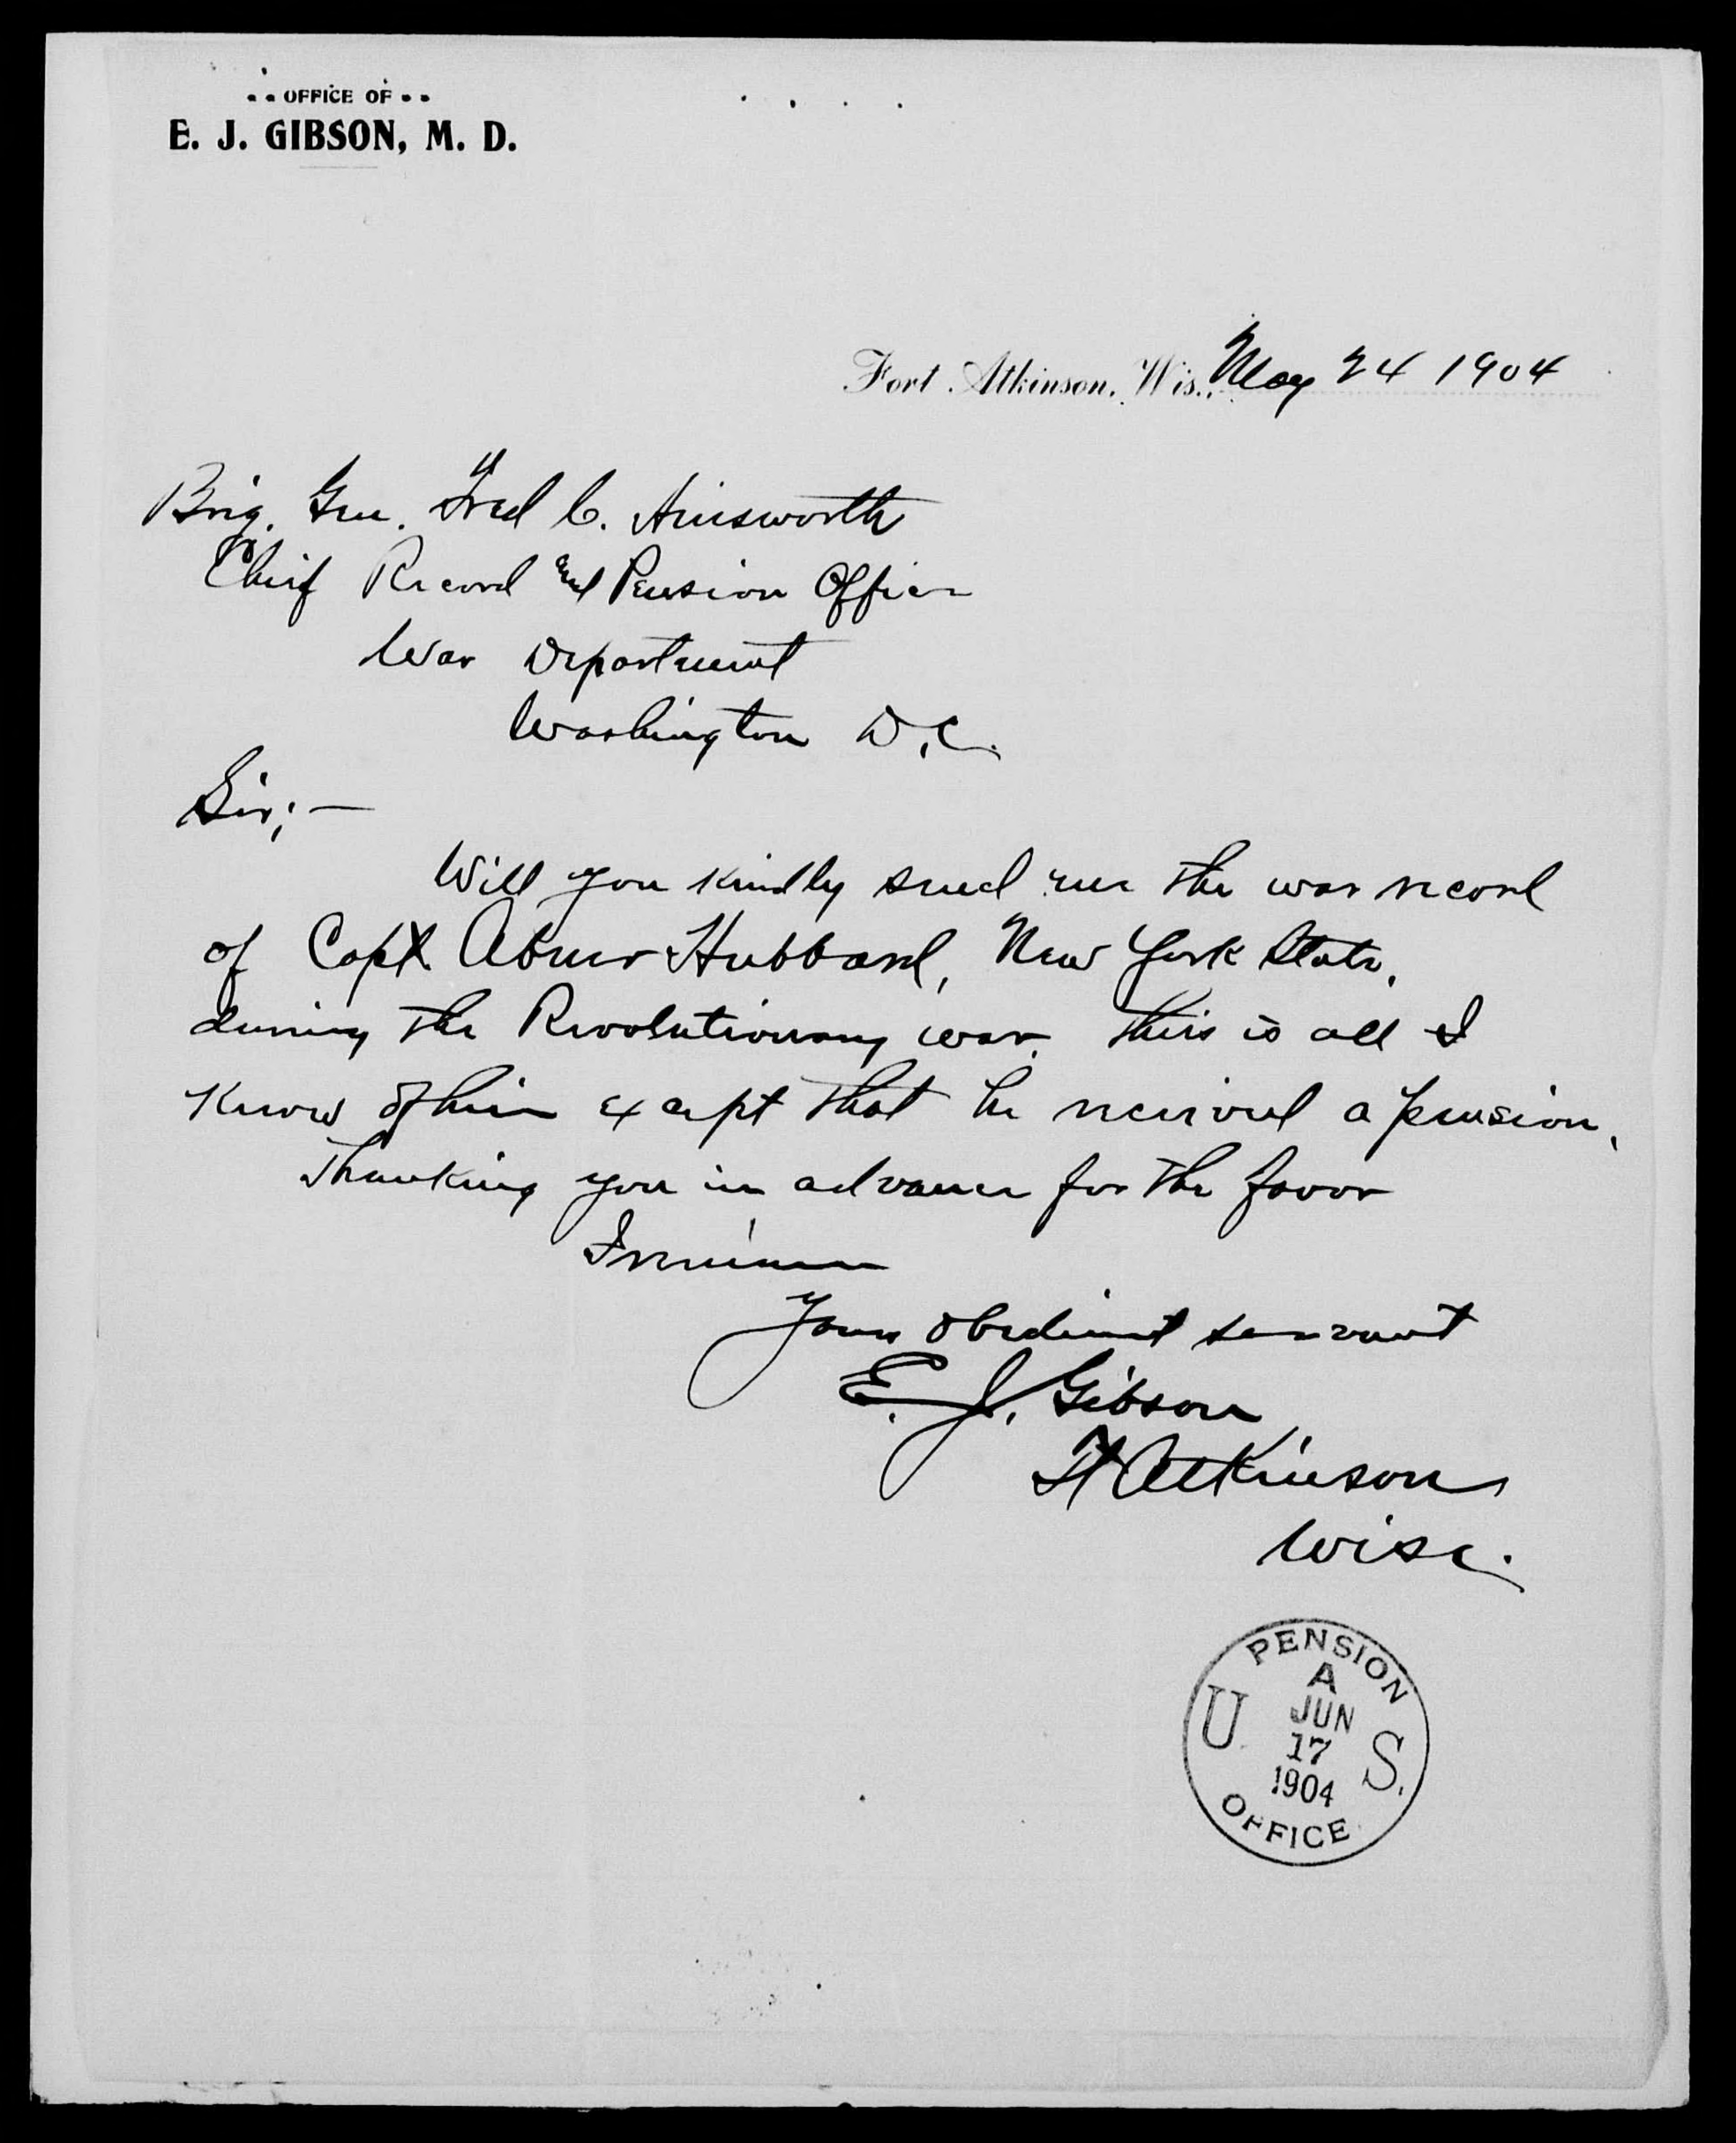Office of
E.J. GIBSON, M.D.

Fort Atkinson, Wis., May 24 1904

Brig. Gen. Fred C. Ainsworth
Chief Record and Pension Officer
War Department
Washington D.C.

Sir: -
Will you kindly send me the war record of Capt Abner Hubbard, New York State, during the Revolutionary war. This is all I know of him except that he received a pension, thanking you in advance for the favor
[illegible]
Your obedient servant
E.J. Gibson
Ft Atkinson
Wisc.

PENSION
A
U. JUN S.
17
1904
OFFICE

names: Abner Hubbard, Fred C Ainsworth, E J Gibson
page: 27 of 38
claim: widow's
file: W. 23,381, Abner Hubbard, Continental Mass.